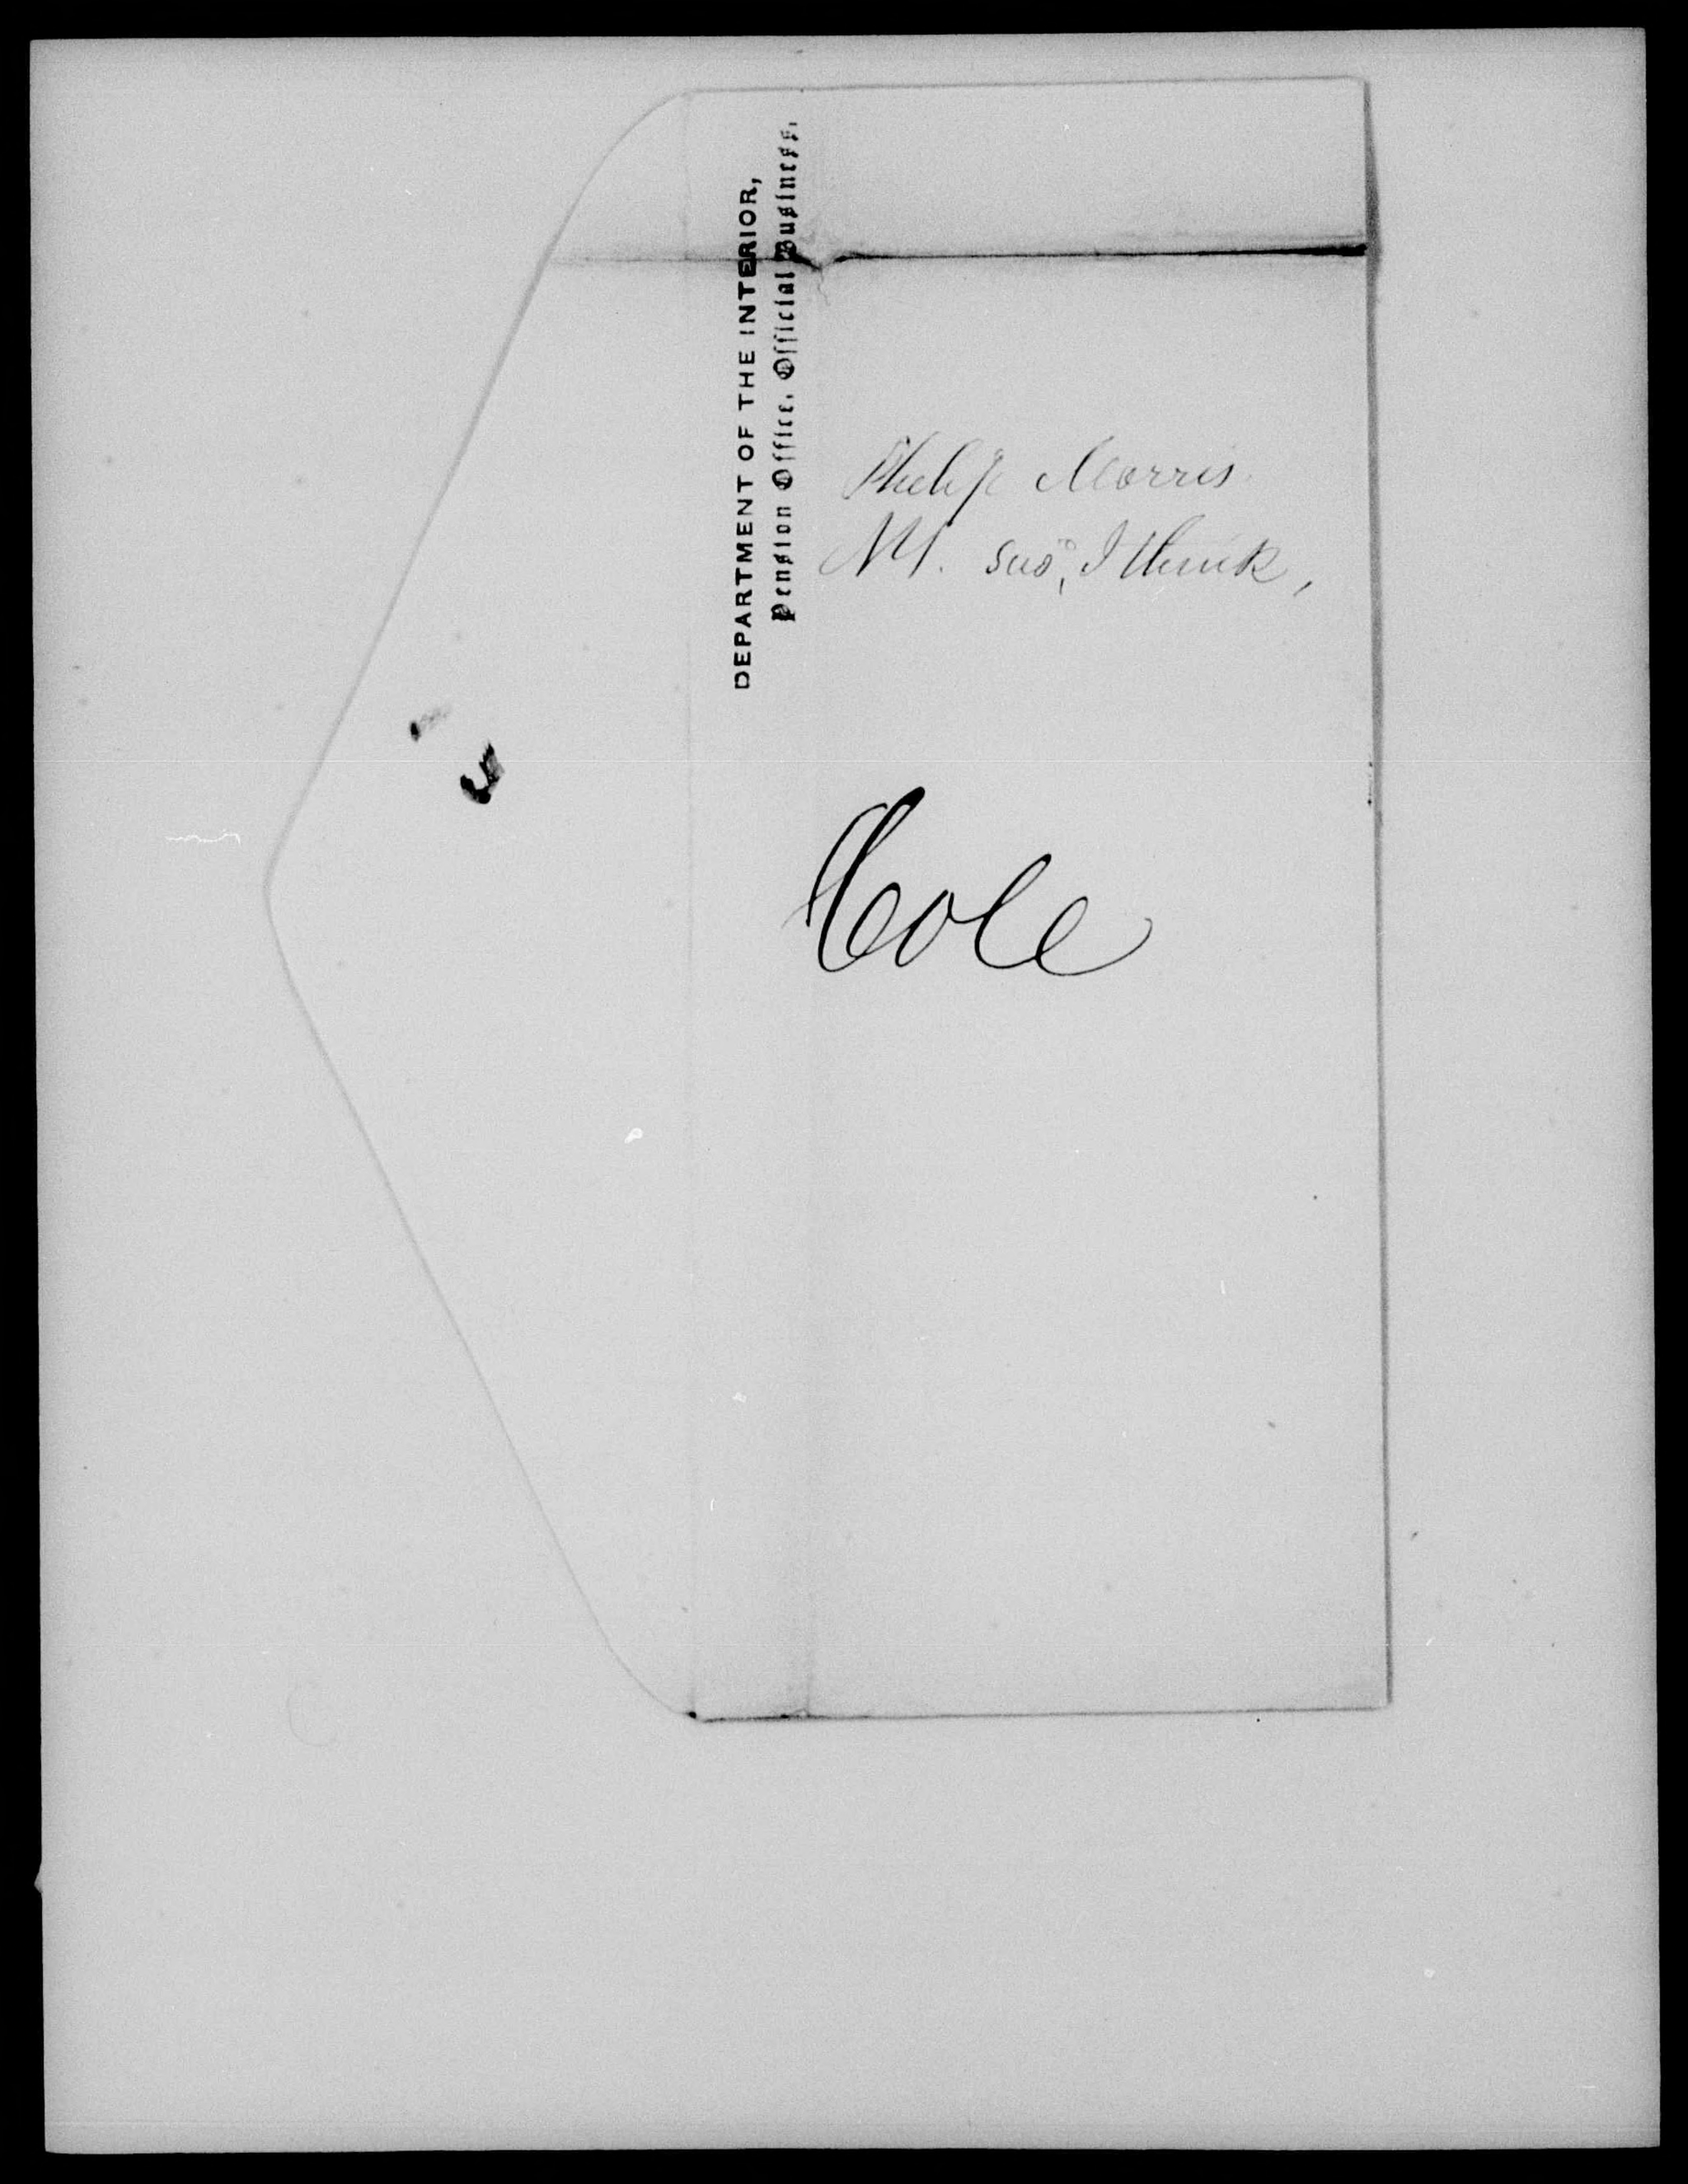Philip Morris
NY. Sus, I think,

Cole

[printed vertically on page]
DEPARTMENT OF THE INTERIOR,
Pension Office, Official Business.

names: Philip Morris; [BLANK] Cole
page: 16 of 44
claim: survivor's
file: S. 28,815, for Philip Morris, Rhode Island